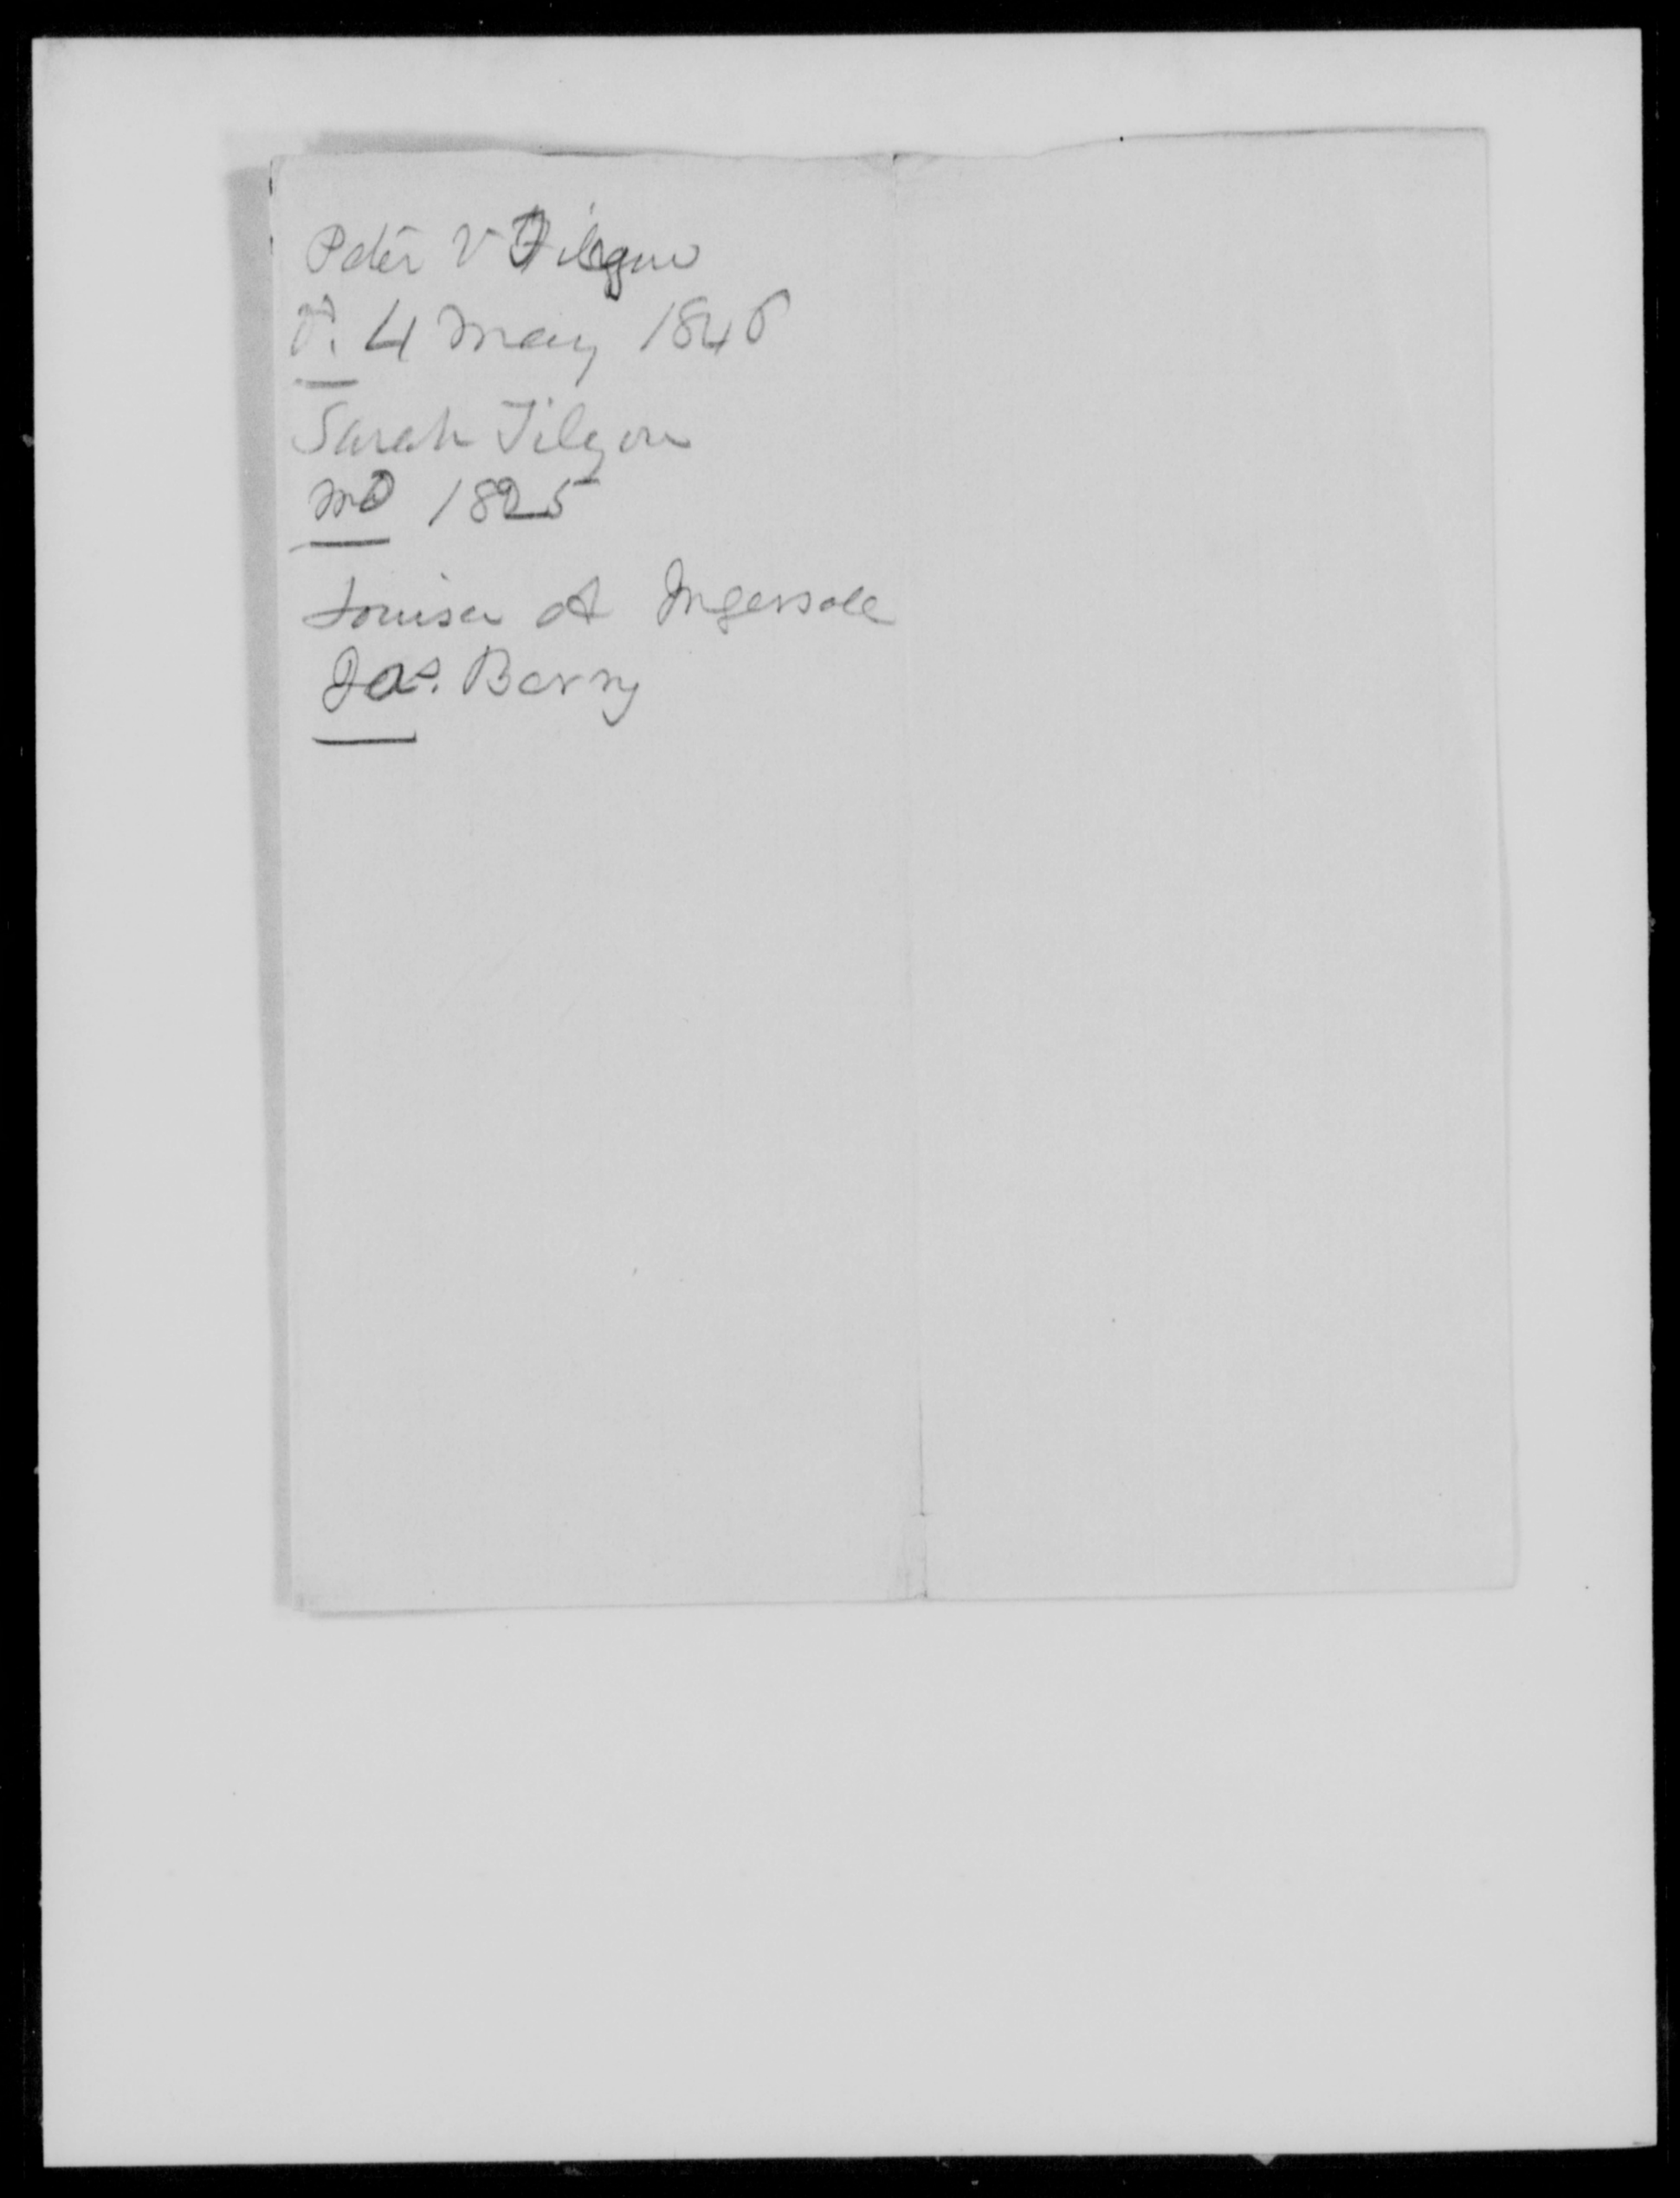Peter V Tilyou
[?] 4 May 1846
Sarah Tilyou
Md 1825
Louisa A Ingersoll
Jas Berry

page: 85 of 101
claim: widow's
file: W. 25481, for Peter V Tilyou, New Jersey